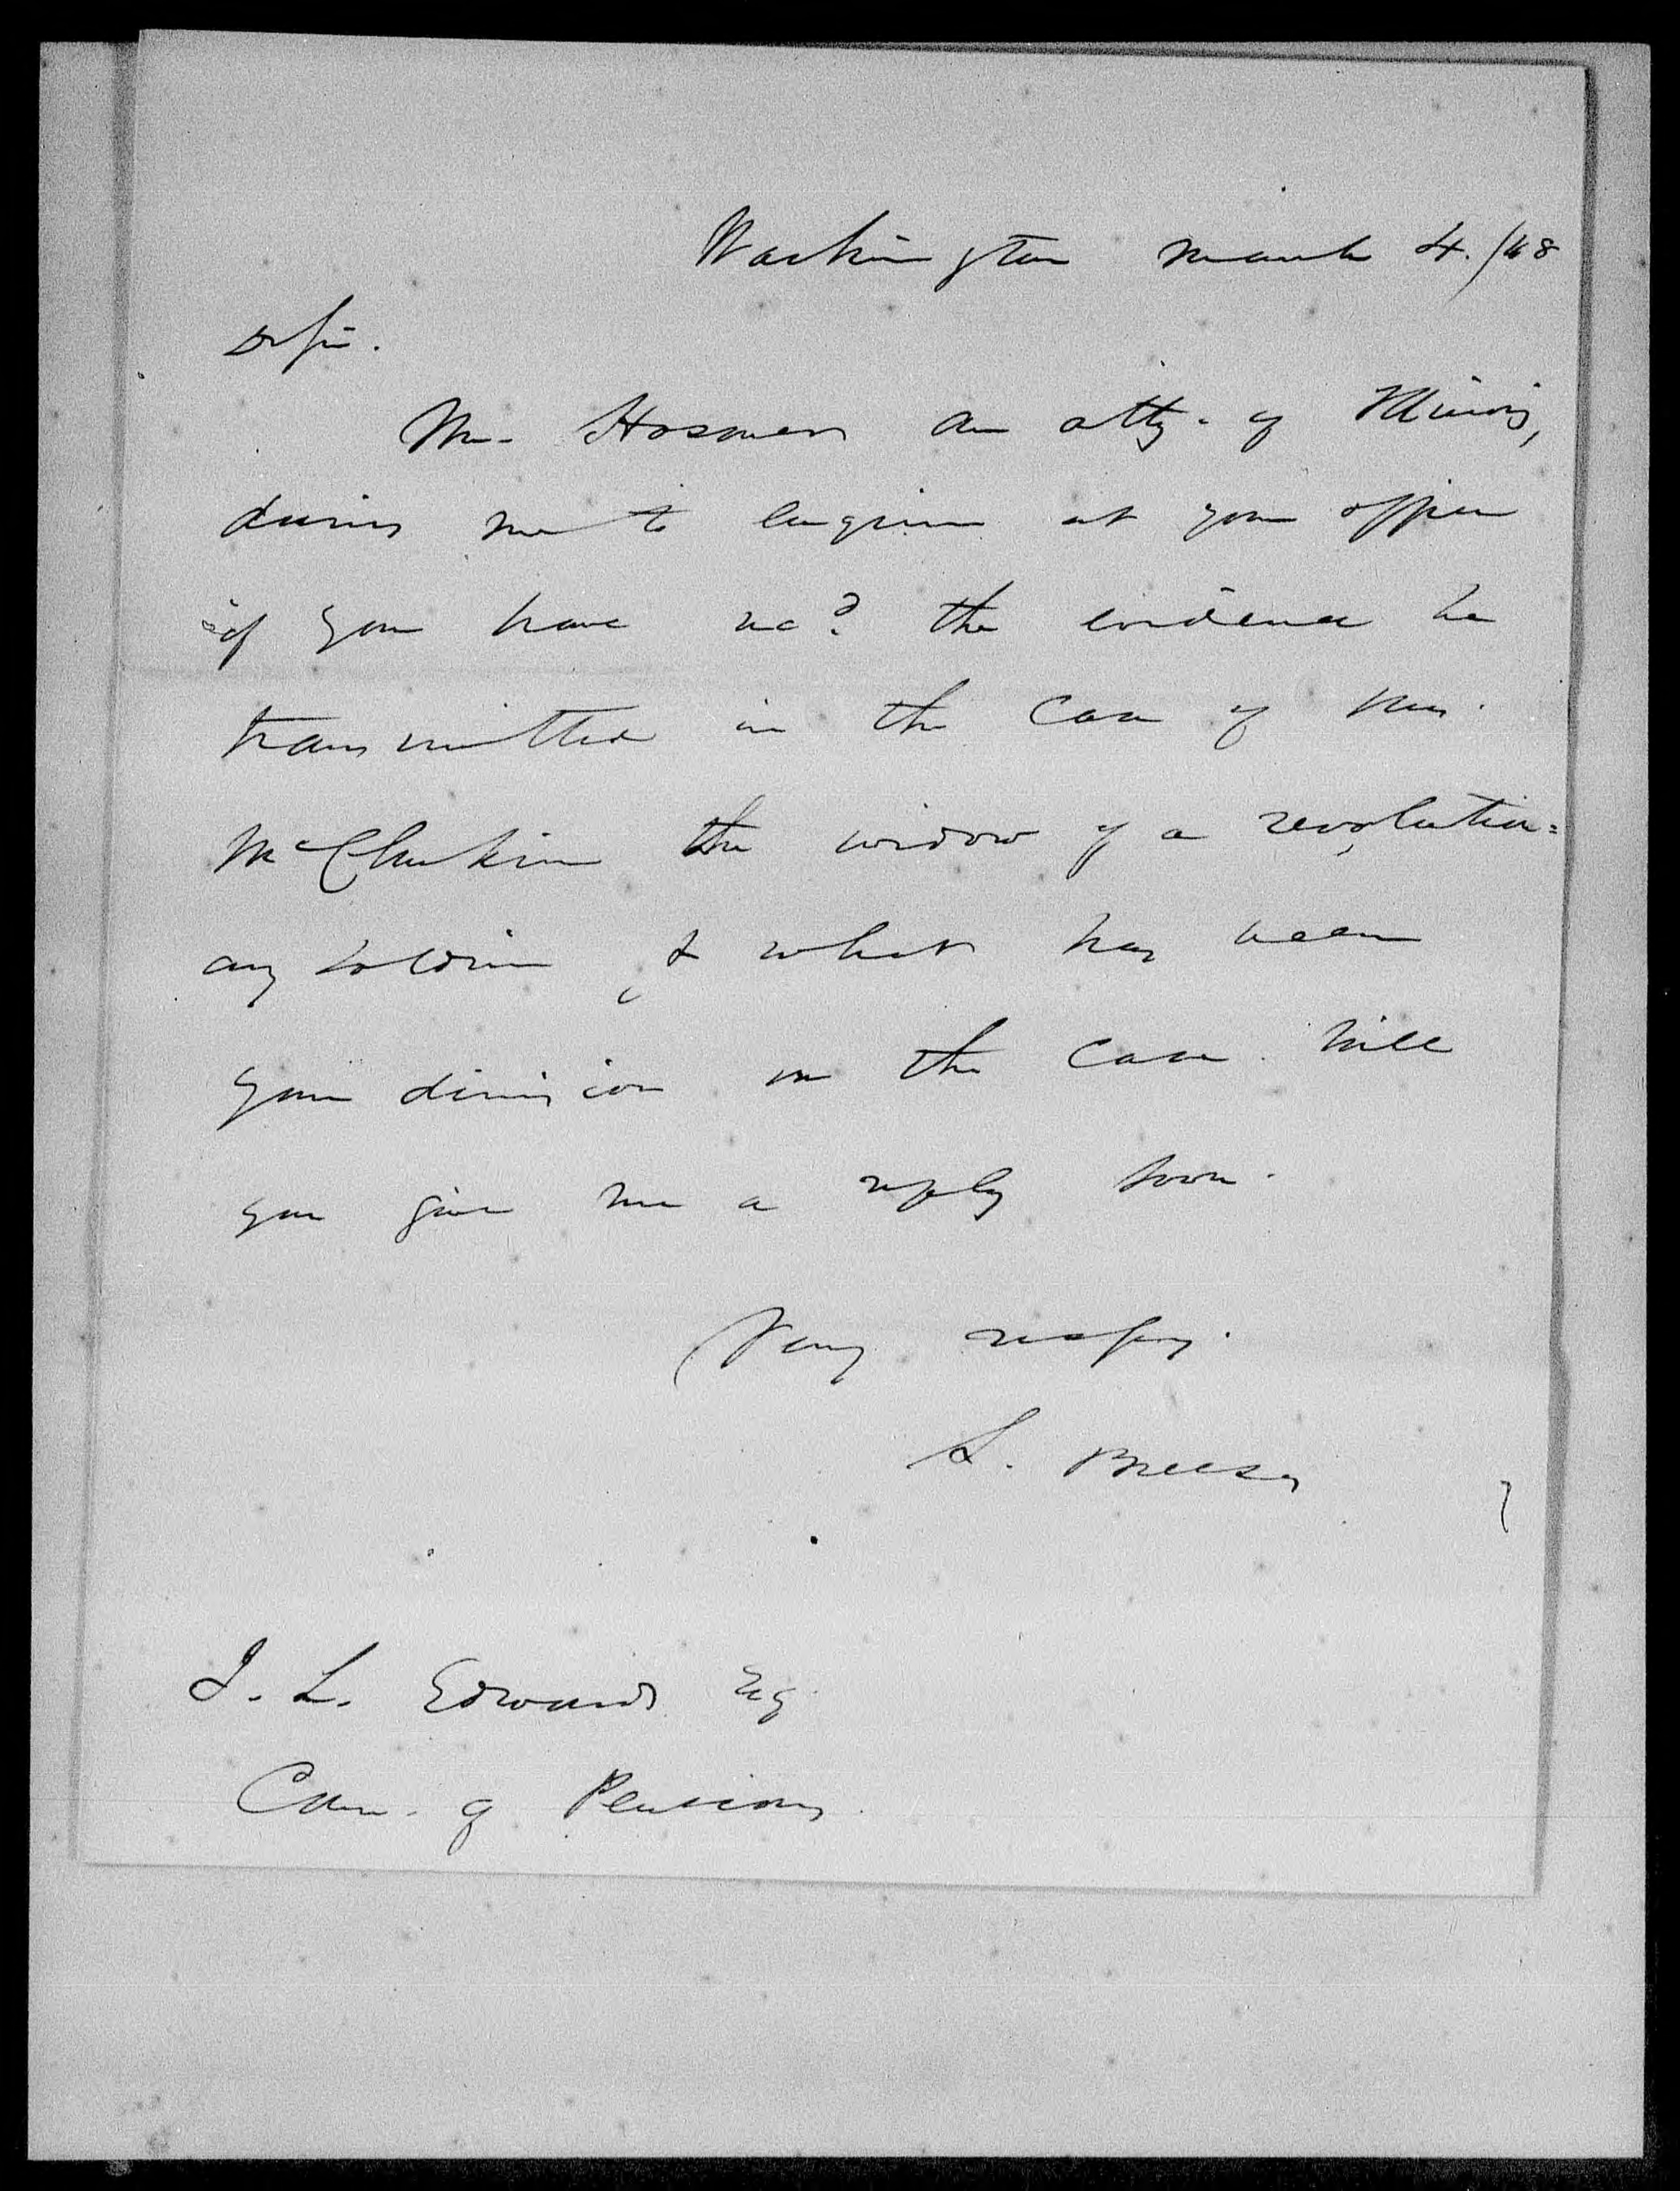Washington March 4/48

Sir:

Mr. Hosmer an atty of Illinois, [unintelligible] me to enquire at your office if you have the [unintelligible]
evidence be transmitted in the care of Mrs. McClurken the widow of a revolutionary soldier & what has been your division in the care will you give me a reply soon.

Very [unintelligible]
S. Breesy


J.L. Edwards Esq.
Comm. of Pensions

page: 33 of 93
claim: widow's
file: W. 21792, for Thomas Mc Clurken, South Carolina